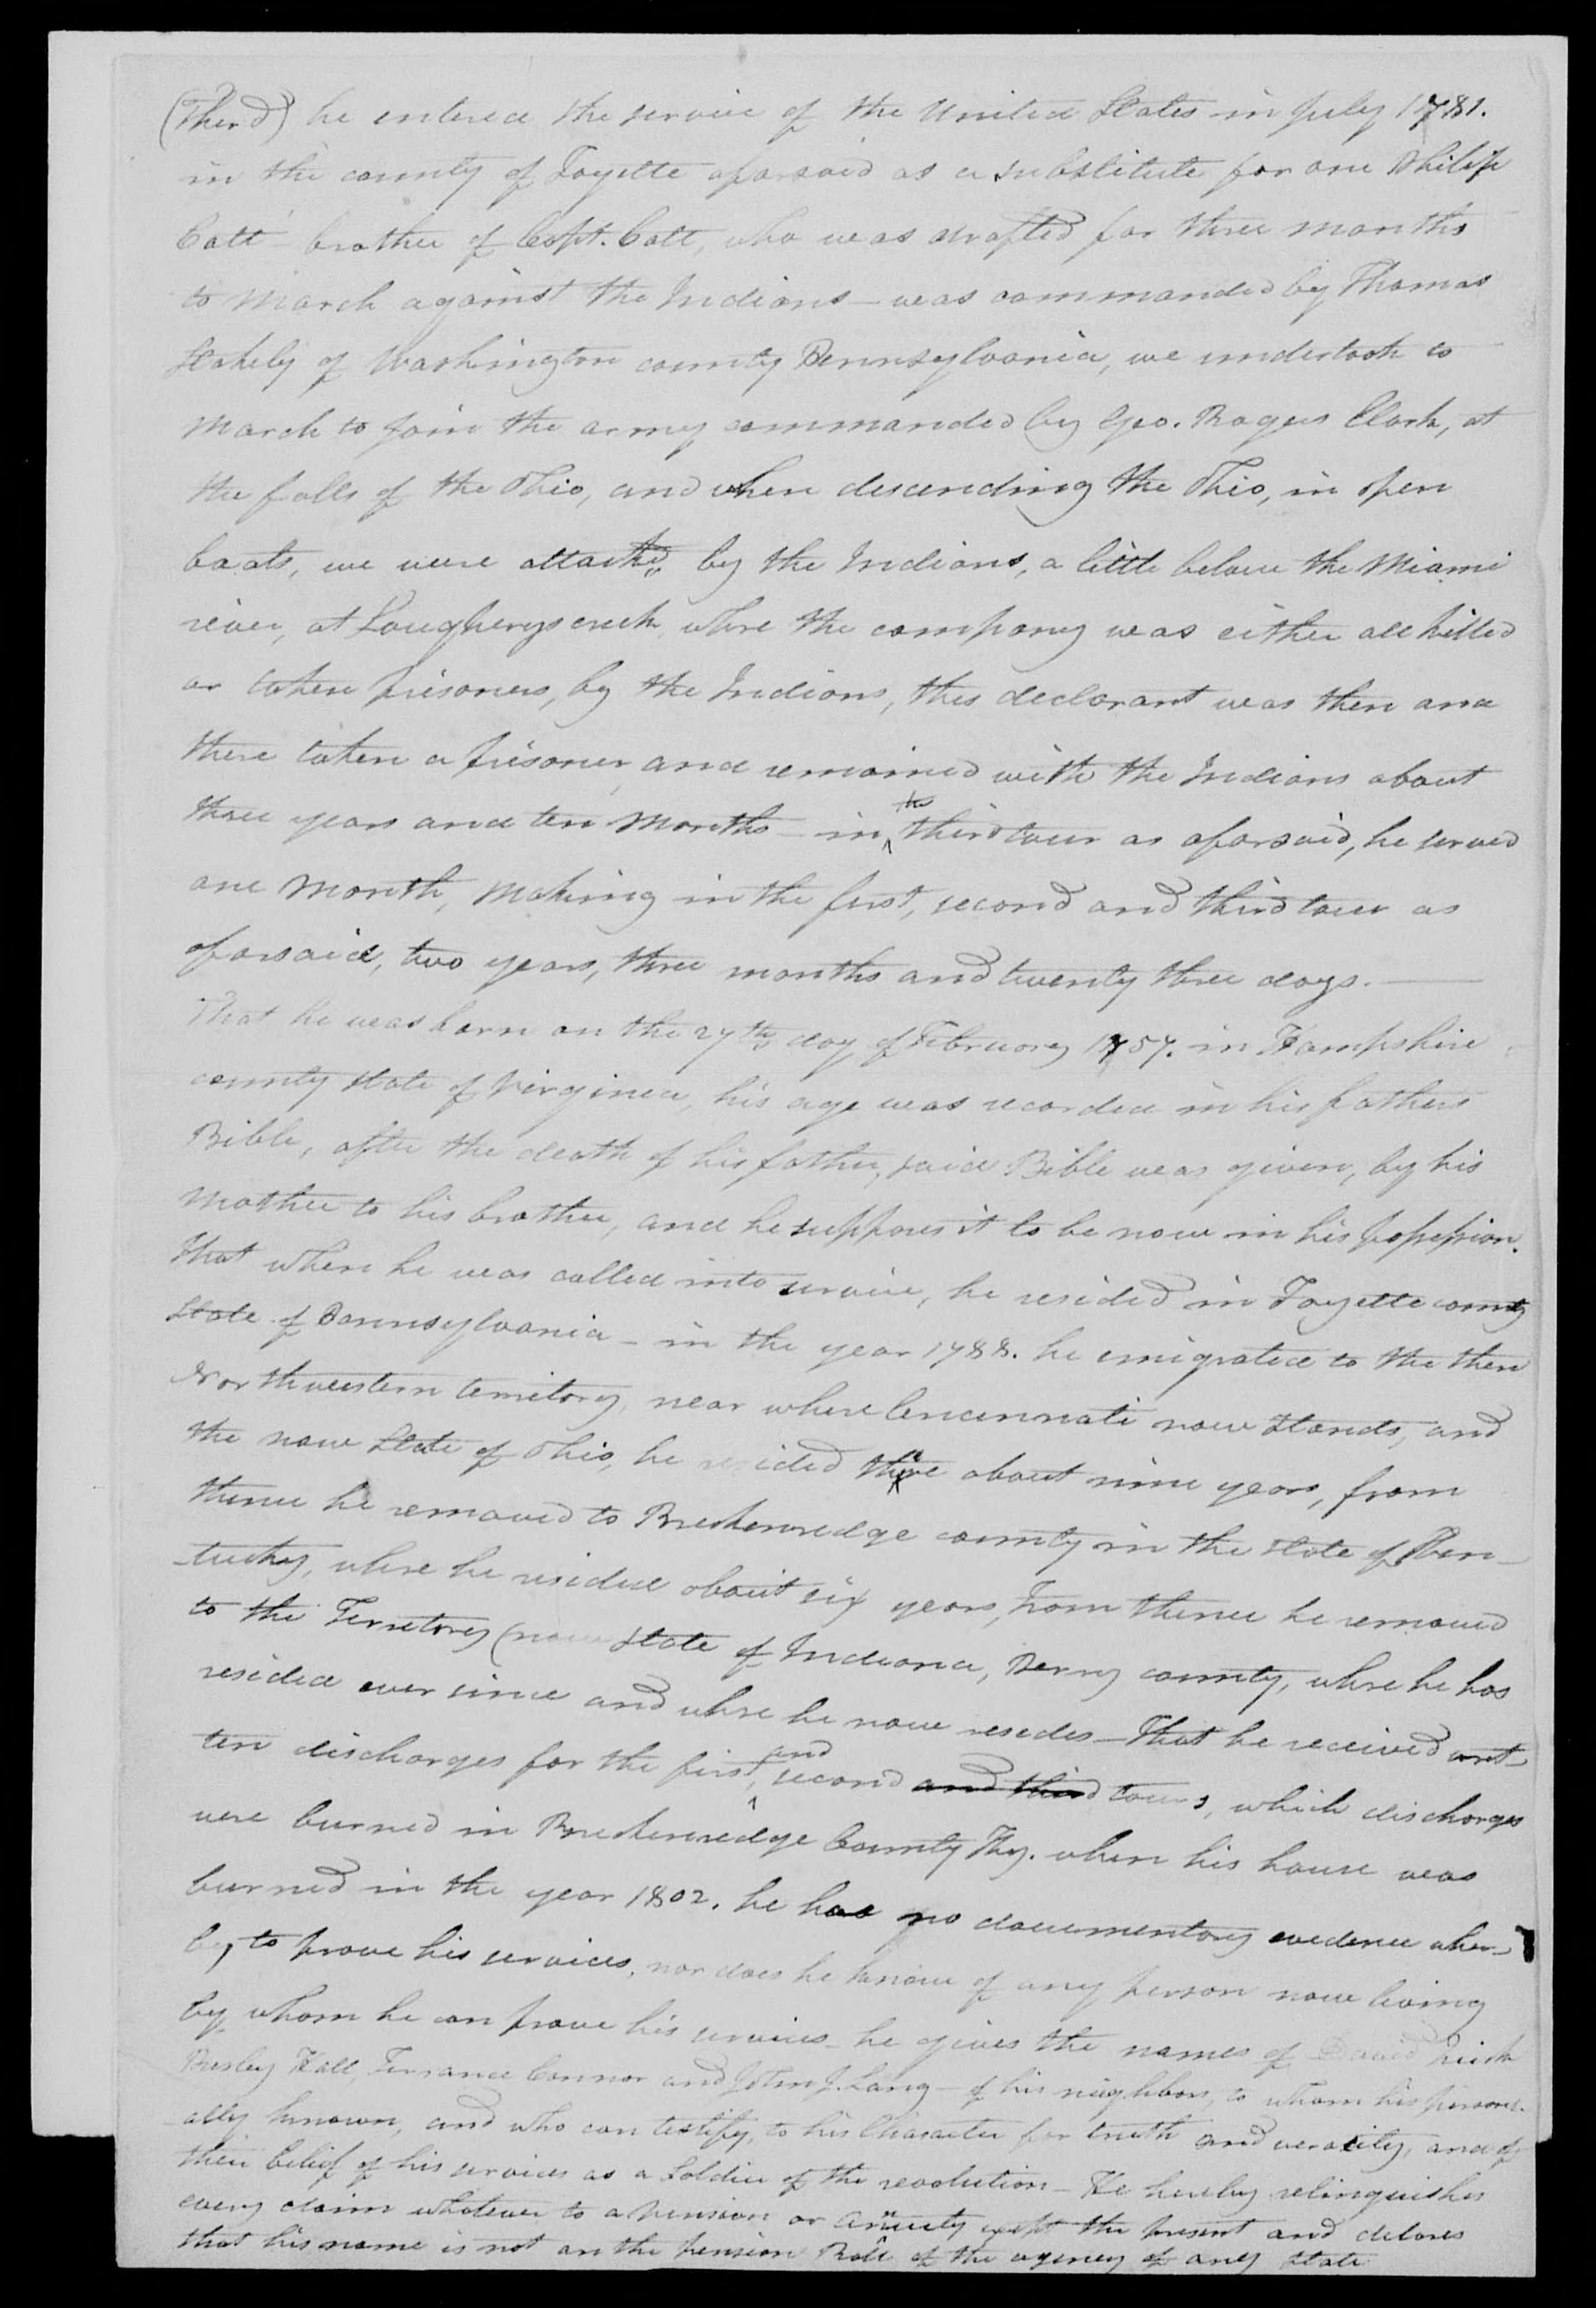(third) he entered the service of the United States in July 1781. in the county of Fayette aforsaid as substitute for one Philip Catt brother of Capt. Catt, who was drafted for three months to March against the Indians--was commanded by Geo. Rogers Clark, at the falls of the Ohio, and when descending the Ohio, in open boats we were attacked by the Indians, a little below the Miami river, at Loughings even where the company was either all killed or taken prisoners, by the Indians, this declarant was then and there taken a prisoner and remained with the Indians for three years and ten months in the third tour as aforsaid, he served one month, making in the first, second and third tour as aforsaid, two years, three months and twenty three days.  That he was home on the 27th day of February 1757. in Hampshire county state of Virginia, his age was recorded in his fathers Bible, after the death of his father, said Bible was given by his Mother to his brother, and he supposes it to be now in his possession that when he was called into service, he resided in Fayette County State of Pennsylvania-in the year 1788.  He imigrated to the then Northwestern Territory, near where bureacrats now stands, and the now State of Ohio, he resided for about nine years, from there he removed to Breckenridge county in the State of Kentucky, where he resided about six years, [illegible] thence he removed to the Territory (now State of Indiana, Derry county, where he has resided ever since and where he now resides.  That he received the discharges for the first and second tours, which discharges were burned in the Breckenridge County [illegible] when his house was burned in the year 1802.  He has no documentary evidence where by to prove his services, nor does he know of any person now having by whom he can prove his services.  he offers the names of David [illegible] Presley Hall, Terrance Connor and John J. Lang--of his neighbors, to whom his personally known, and who can testify, to his character for truth and veracity, and of their belief of his services as a Soldier of the revolution--He hereby relinquishes every claim whatever to a pension or annuity that the present and declares that his name is not on the pension Roll of the agency of any state.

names: Geo Rogers, Thomas Stakely, John J Lang, Philip Catt, Catt, Presley Hall, Tousamar Emmos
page: 9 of 18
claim: survivor's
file: S. 31744, Abraham Hiley, Penn.